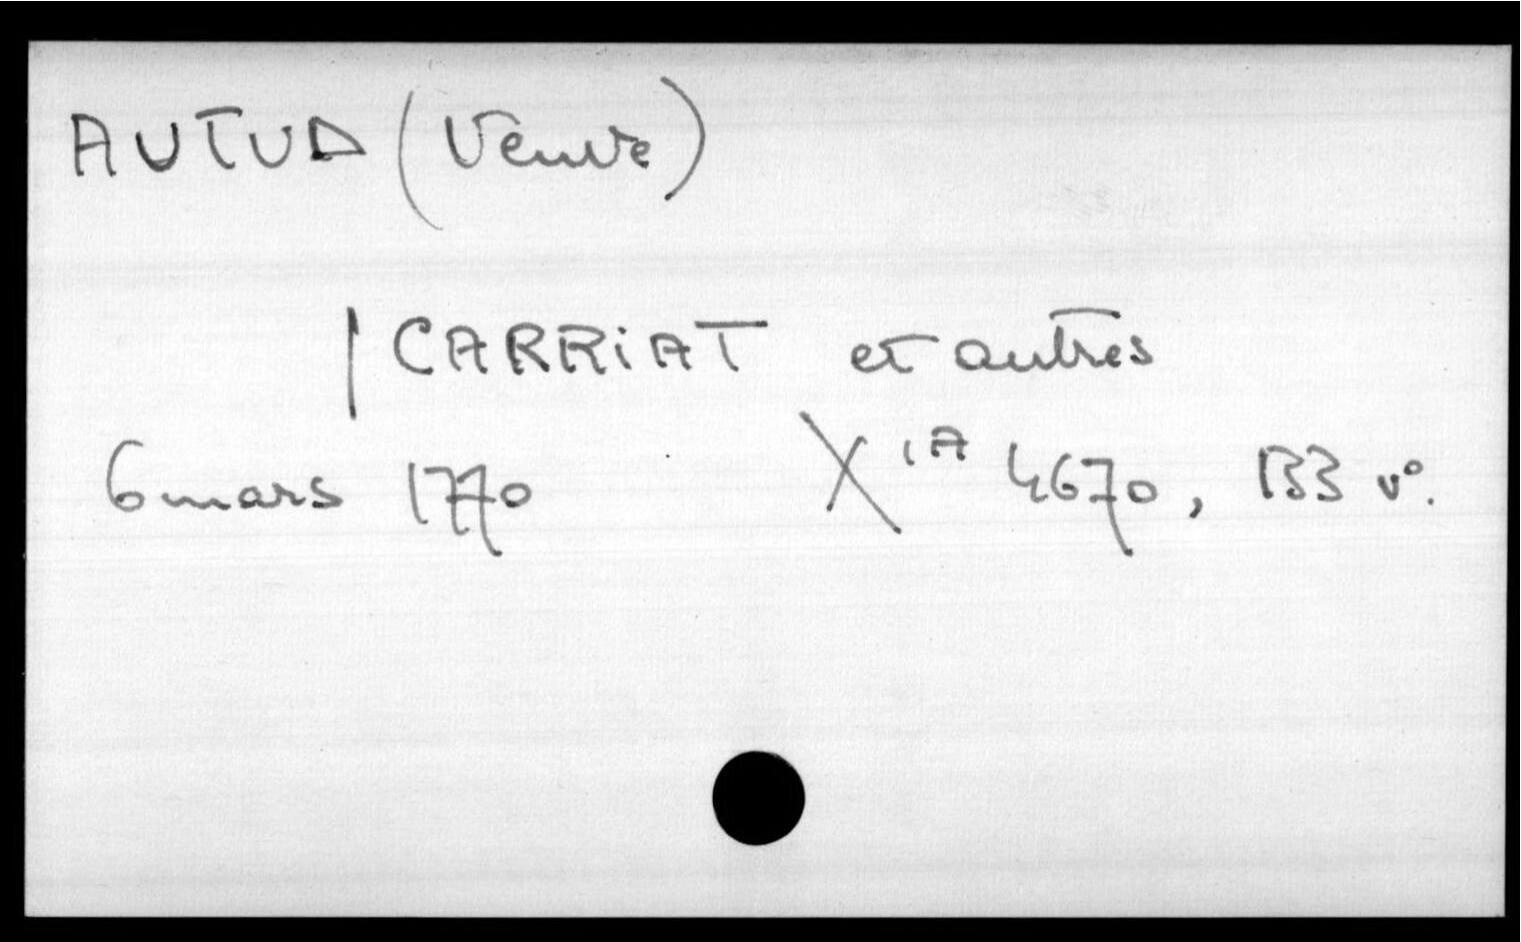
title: AUTUD (Veuve)
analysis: Contre CARRIAT et autres
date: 6 mars 1770
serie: X1A
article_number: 4670
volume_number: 133v
